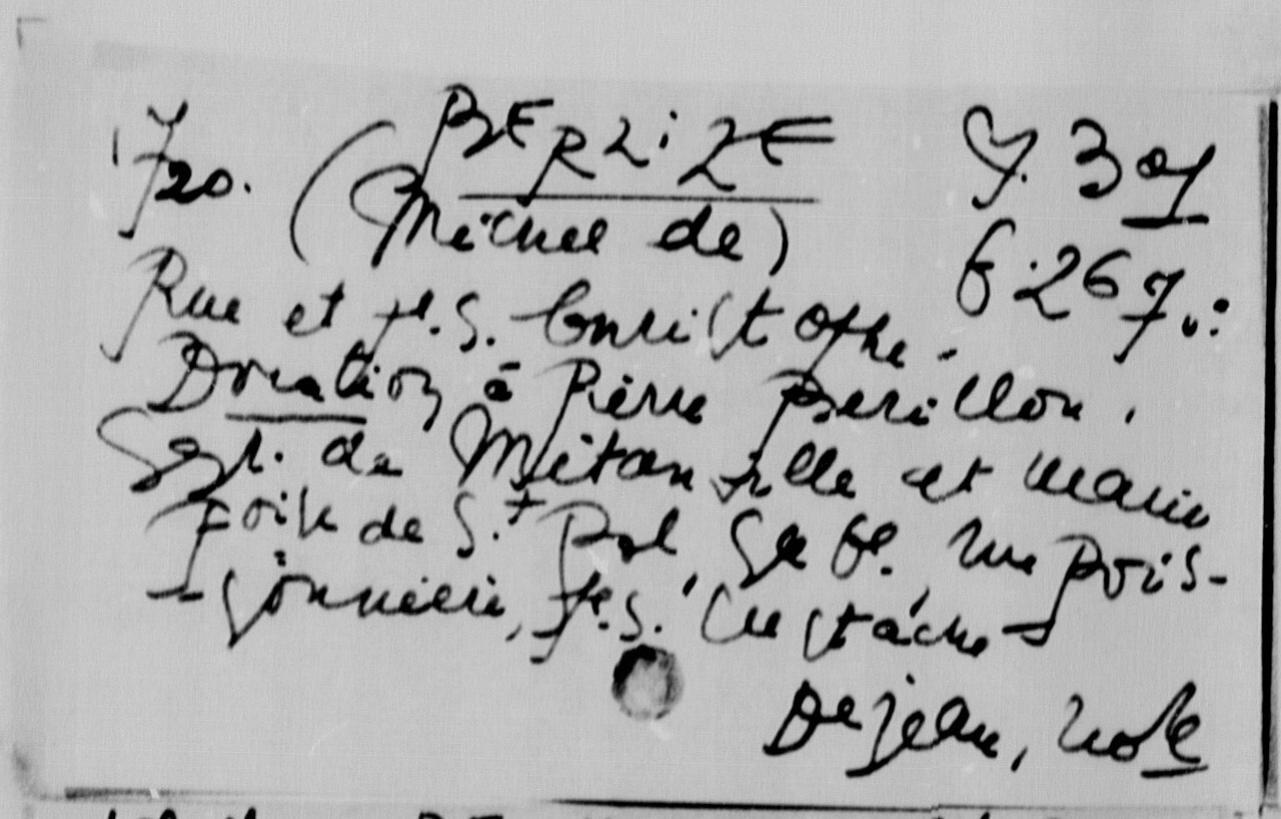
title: BERLIZE (Michel de)
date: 1720
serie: Y
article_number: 301
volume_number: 267v
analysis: Rue et paroisse Saint-Cristophe Donation à Pierre Berillon, seigneur de Mitanville et Marie Poix de Saint-Pol, sa femme, rue Poissonnière, paroisse Saint-Eustache Dejean, notaire
